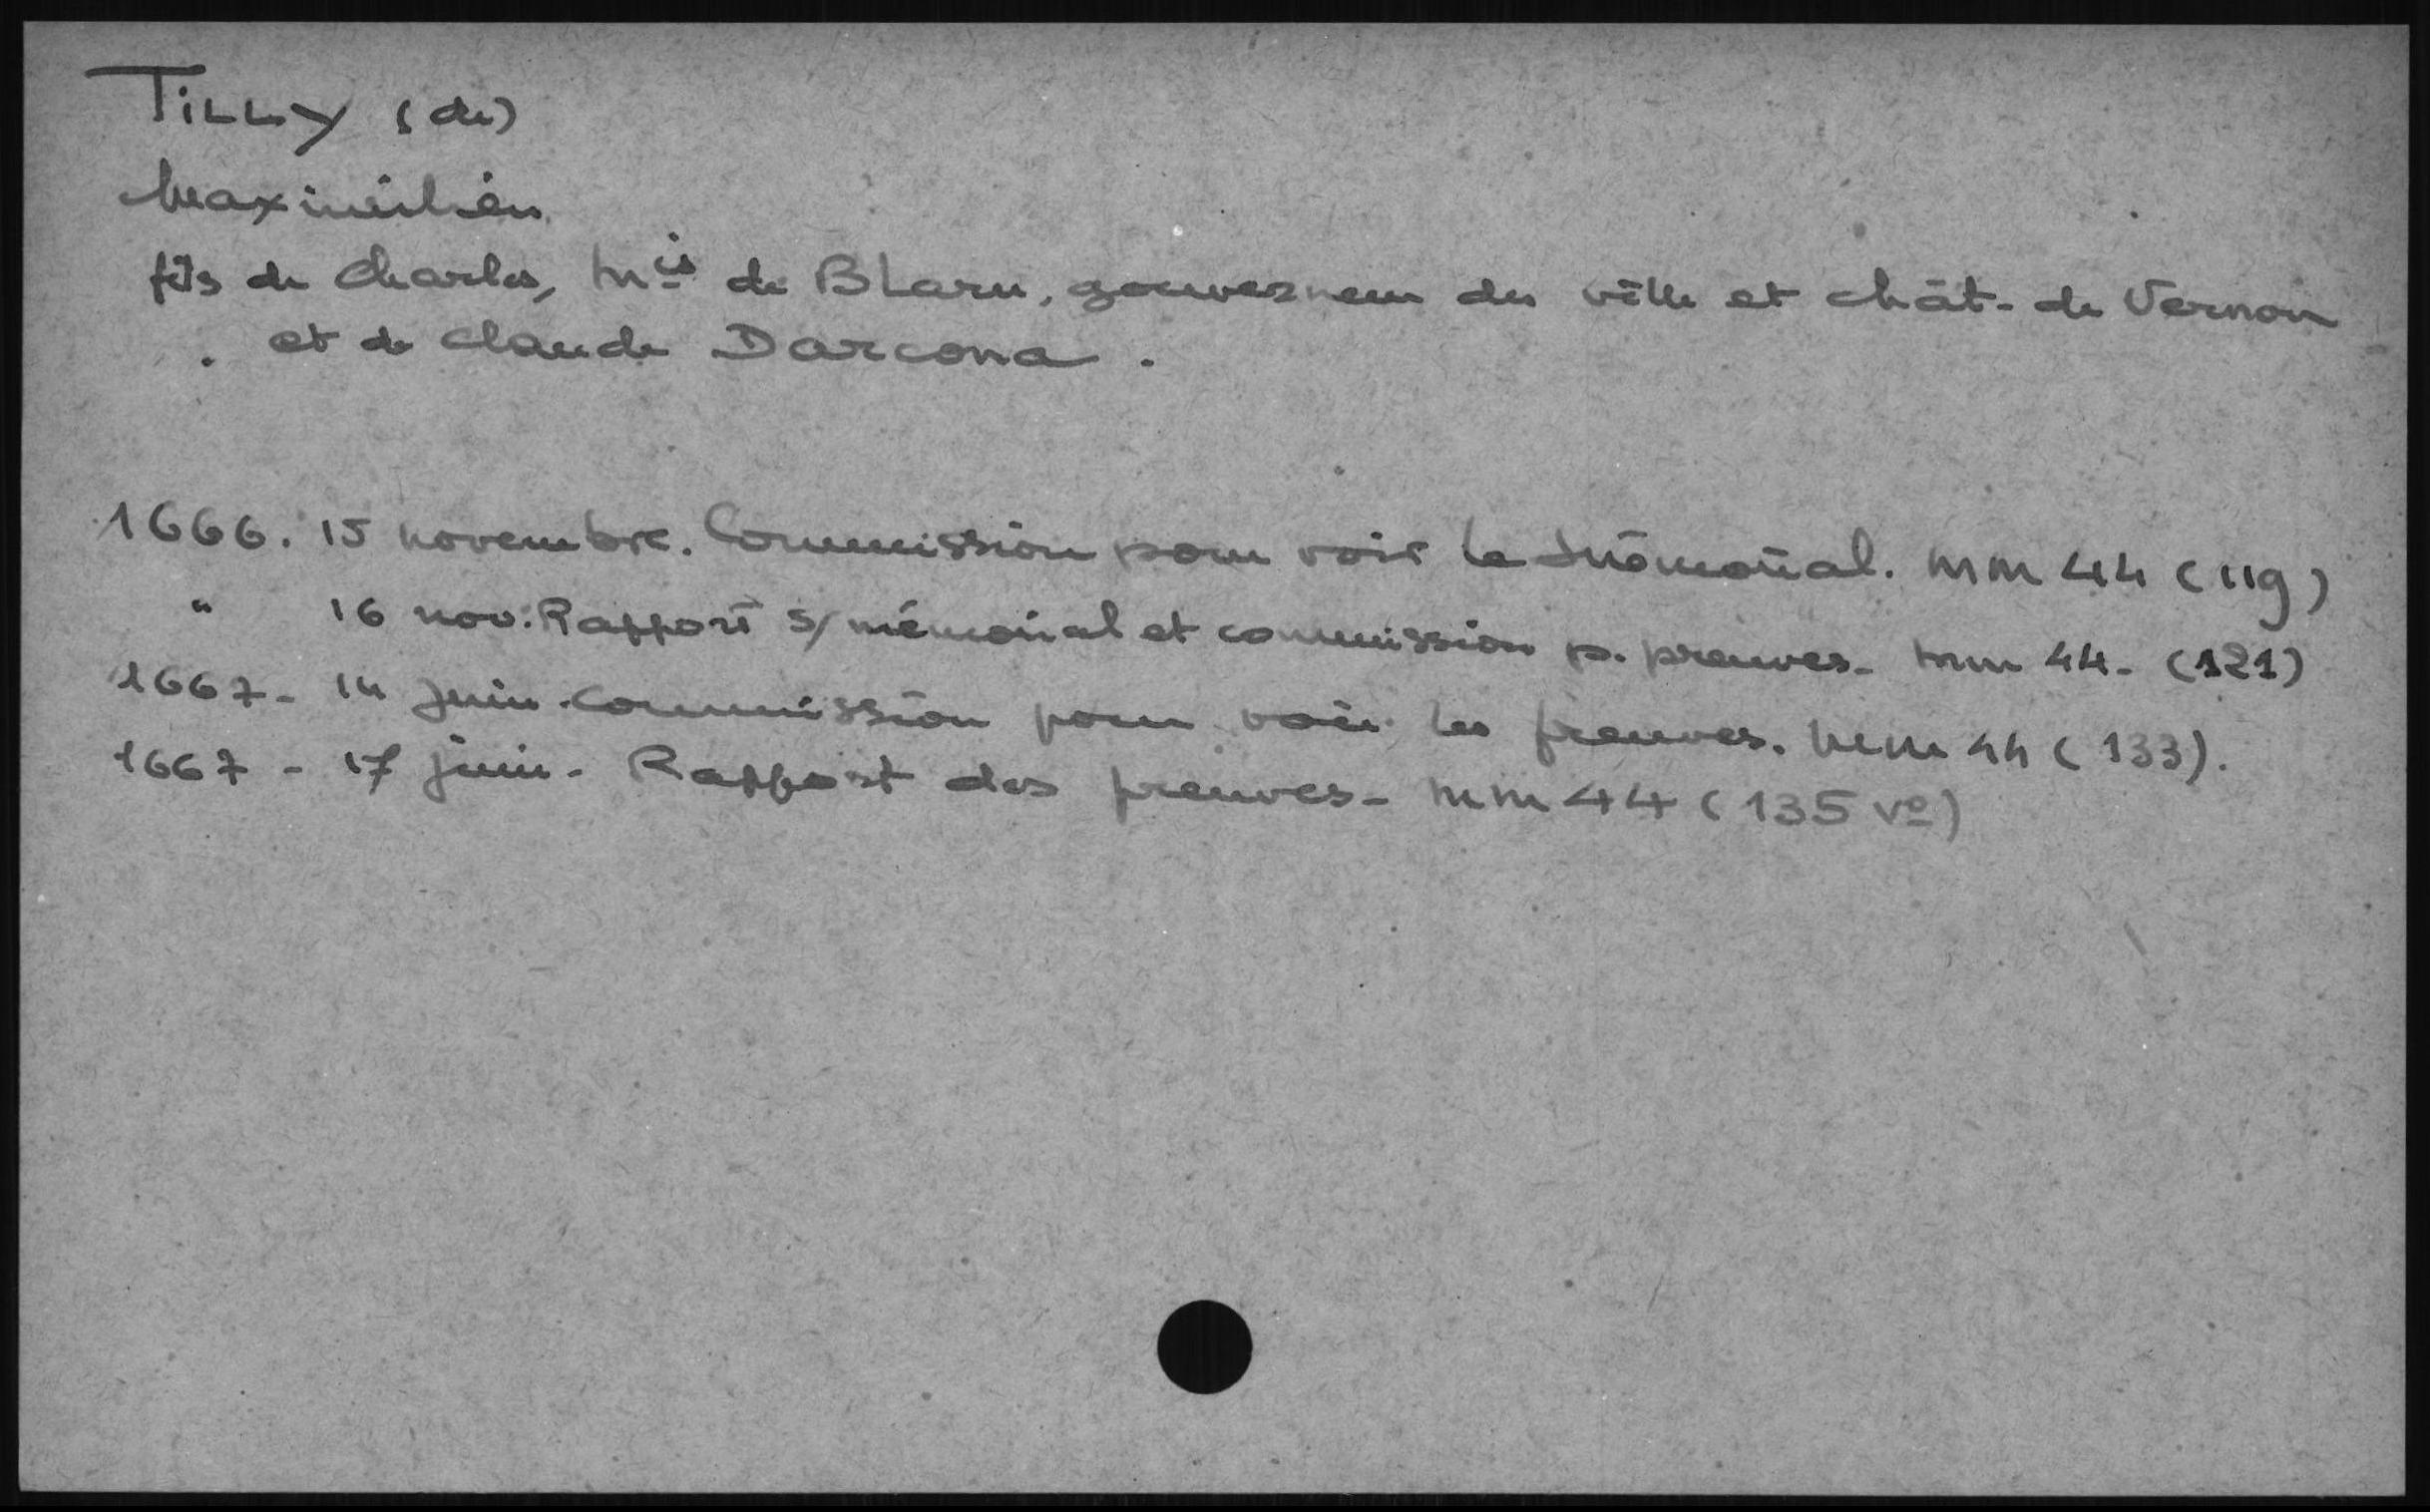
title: TILLY (de) Maximilien fils de Charles, marquis de Blaru, gouverner des ville et château de Vernon, et de Claude Darcona.
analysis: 1666, 15 novembre. Commission pour voir le mémorial. MM 44 (119) ", 16 novembre. Rapport sur le mémorial et commission pour preuves. MM 44 (121) 1667, 14 juin. Commission pour voir les preuves. MM 44 (133) 1667, 17 juin. Rapport des preuves. MM 44 (135v)
